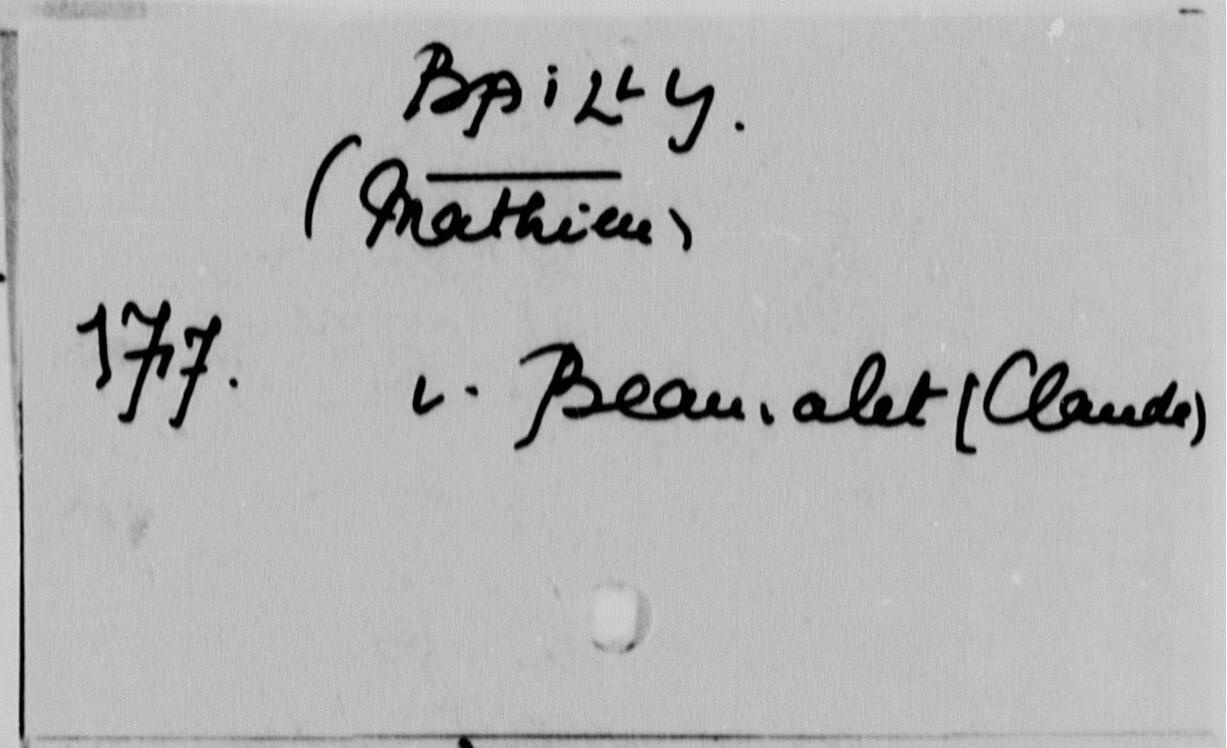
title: BAILLY (Mathieu)
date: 1717
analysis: Voir Beauvalet (Claude)
